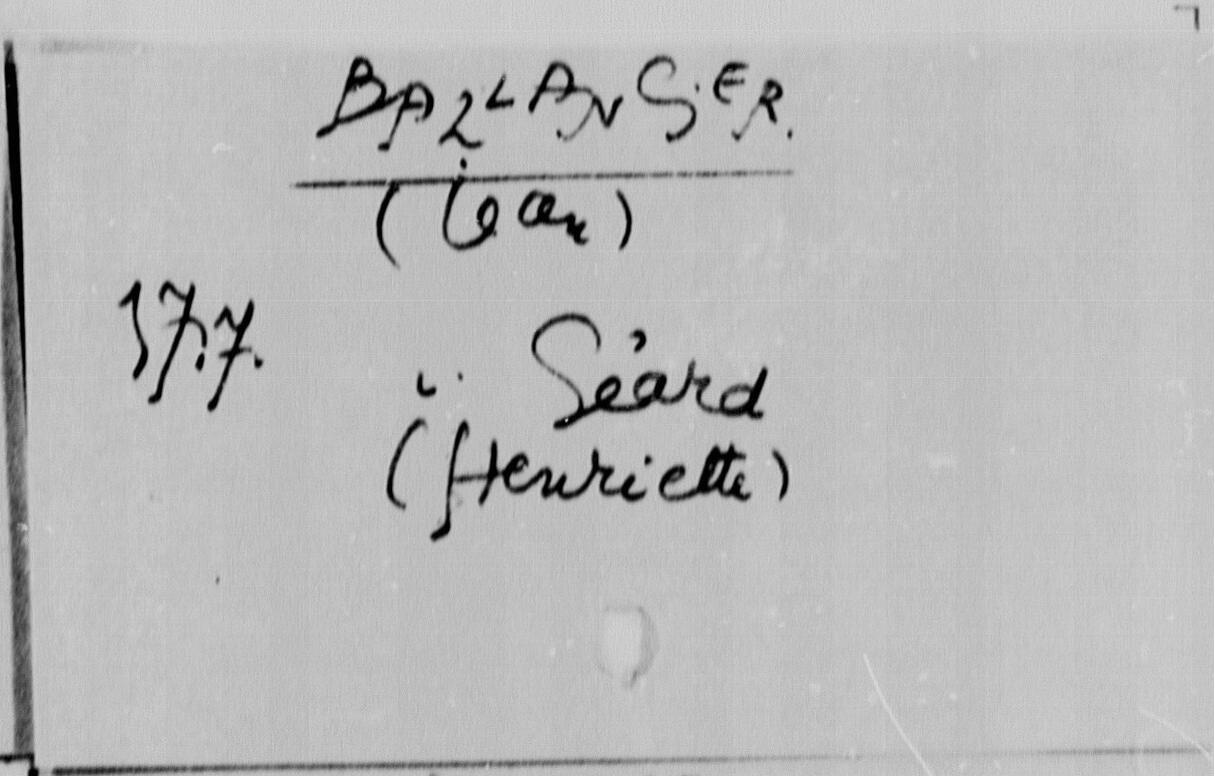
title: BALLANGER (Jean)
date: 1717
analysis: Voir SEARD (Henriette)
